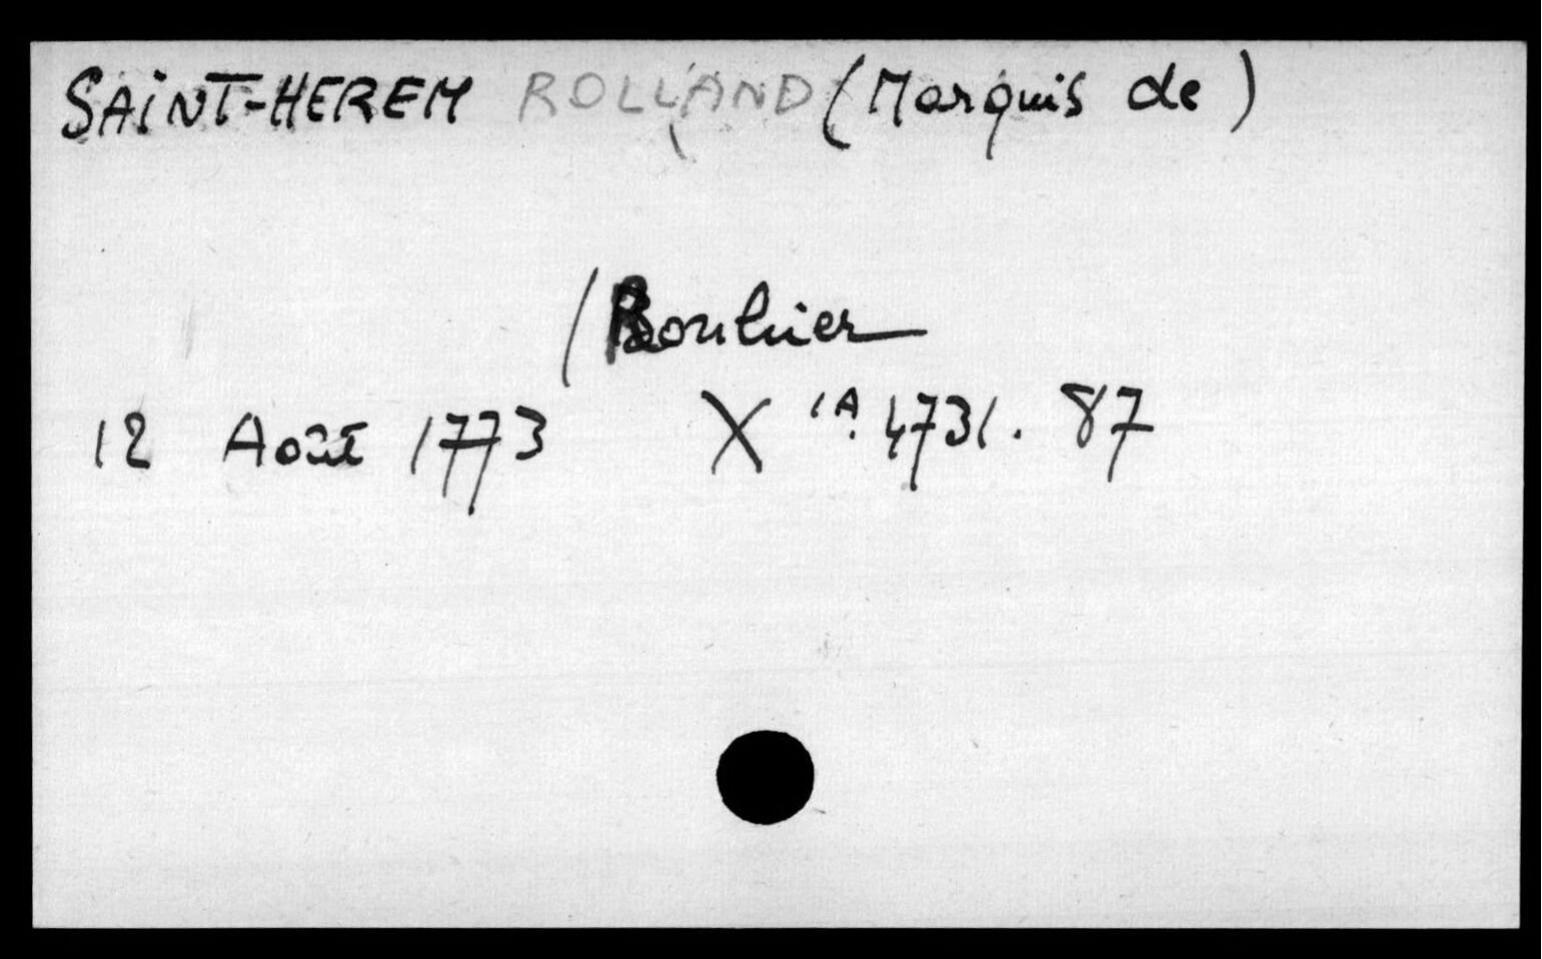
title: SAINT-HEREM ROLLAND (Marquis de)
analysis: Contre Boulier
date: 12 août 1773
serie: X1A
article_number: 4731
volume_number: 87
